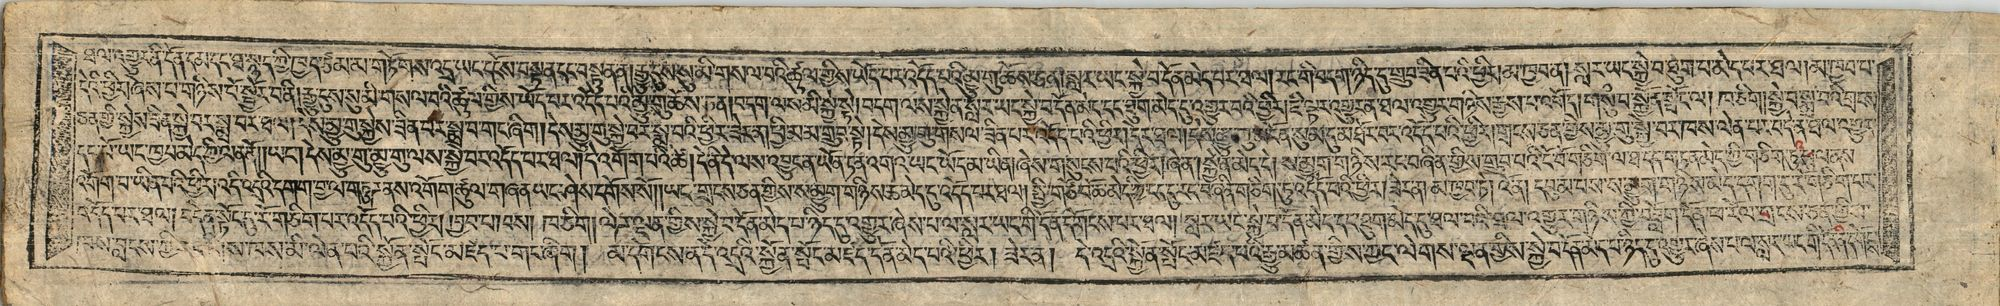ཐལ་འགྱུར་ནི་དོན་དམ་དང་ཐ་སྙད་ཀྱི་ཁྱད་ཙམ་མ་གཏོགས་འདྲ་ཡང་དངོས་བསྟན་དང་བསྟན་ན། རྒྱུ་དུས་སུ་མི་གསལ་བའི་ཚུལ་གྱིས་ཡོད་པར་འདོད་པའི་མྱུ་གུ་ཆོས་ཅན། སླར་ཡང་སྐྱེ་བ་དོན་མེད་པར་ཐལ། རང་གི་བདག་ཉིད་དུ་གྲུབ་ཟིན་པའི་ཕྱིར། མ་ཁྱབ་ན། སླར་ཡང་སྐྱེ་བ་ཐུག་པ་མེད་པར་ཐལ། མ་ཁྱབ་པ་
དེའི་ཕྱིར། ཞེས་པ་གཉིས་པོ་སྦྱོར་བ་ནི། རྒྱུ་དུས་སུ་མི་གསལ་བའི་ཚུལ་གྱིས་ཡོད་པར་འདོད་པའི་མྱུ་གུ་ཆོས་ཅན། བདག་ལས་མི་སྐྱེ་སྟེ། བདག་ལས་སྐྱེ་ན་སླར་ཡང་སྐྱེ་བ་དོན་མེད་དང་ཐུག་མེད་དུ་འགྱུར་བའི་ཕྱིར། ཇི་ལྟར་འགྱུར་ན་ཐལ་འགྱུར་གཉིས་རྒྱས་པ་འགོད། གསུམ་པ་སྐྱོན་སྤོང་ལ། ཁ་ཅིག །སྐྱེ་བ་སྨྲ་བའི་གྲངས་
ཅན་གྱི་སྐྱེས་ཟིན་སྐྱེ་བར་སྨྲ་བར་ཐལ། དེས་མྱུ་གུ་སྐྱེས་ཟིན་པར་སྨྲ་བ་གང་ཞིག །དེས་མྱུ་གུ་སྐྱེ་བར་སྨྲ་བའི་ཕྱིར་ཟེར་ན། ཕྱི་མ་མ་གྲུབ་སྟེ། དེས་མྱུ་གུ་གསལ་ཟིན་པར་འདོད་པའི་ཕྱིར། དེར་ཐལ། དེས་མྱུ་གུ་མངོན་སུམ་དུ་མཐོང་བར་འདོད་པའི་ཕྱིར། གྲངས་ཅན་གྱིས་མྱུ་གུ་སྐྱེ་བར་ཁས་ལེན་བར་བདེ་ན་ཐལ་འགྱུར་
དང་པོ་ཡང་ཁྱབ་མེད་ཀྱི་ལན་ནོ། །ཡང་། དེས་མྱུ་གུ་མྱུ་གུ་ལས་སྐྱེ་བས་འདོད་བར་ཐལ། དེ་འགོག་པའི་ཚེ། དེ་ནི་དེ་ལས་འབྱུང་ན་ཡོན་ཏན་འགའ་ཡང་ཡོད་མ་ཡིན། ཞེས་གསུངས་པའི་ཕྱིར། ཞེ་ན། སྐྱོན་མེད་དེ། ས་མྱུག་གཉིས་རང་བཞིན་གྱིས་གྲུབ་པའི་ངོ་བོ་གཅིག་ལ་ཐ་དད་གཏན་མེད་ཀྱི་གཅིག་ཏུ་འཕུལ་ནས་
འགོག་པ་ཡིན་པའི་ཕྱིར། འདི་འབྲའིདགག་བྱ་ལ་བཏུགསྰྒོག་ཚུལ་གཞན་ཡང་ཤེས་དགོས་སོ། །ཡང་གྲངས་ཅན་གྱིས་ས་མྱུག་གཉིས་ཆ་མེད་དུ་འདོད་བར་ཐལ། སྤྱི་གཙོ་བོ་ཆ་མེད་ཀྱི་ངང་དུ་རང་བཞིན་གཅིག་ཏུ་འདོད་པའི་ཕྱིར། ཟེར་ན། མ་ཁྱབ་ཏེ། འོ་ན། དབུ་མ་བས་ས་མྱུག་གཉིས་མེད་དགག་དུ་རོ་གཅིག་པར་
འདོད་པར་ཐལ། བདེན་སྟོང་དུ་རོ་གཅིག་པར་འདོད་པའི་ཕྱིར། ཁྱབ་པ་ཁས། ཁ་ཅིག །ལེགས་ལྡན་གྱིས་སྐྱེ་བ་དོན་མེད་པ་ཉིད་དུ་འགྱུར་ཞེས་པ་ལ་སླར་ཡང་གི་དོན་དགོངས་པར་ཐལ། སླར་ཡང་སྐྱེ་བ་དོན་མེད་དང་ཐུག་མེད་དུ་ཐལ་བའི་ཐལ་འགྱུར་གཉིས་ཀྱི་བཟློག་དོན་ཕ་རོལ་གྲངས་ཅན་གྱིས་
ཁས་བླངས་ཀྱི་རང་གིས་ཁས་མི་ལེན་པའི་སྐྱོན་སྤོང་མཛད་པ་གང་ཞིག །མ་དགོངས་ན་དེ་འདྲའི་སྐྱོན་སྤོང་མཛད་དོན་མེད་པའི་ཕྱིར། ཟེར་ན། དེ་འདྲའི་སྐྱོན་སྤོང་མཛད་པའི་རྒྱུ་མཚན་གྱིས་ཀྱང་ལེགས་ལྡན་གྱིས་སྐྱེ་བ་དོན་མེད་པ་ཉིད་དུ་འགྱུར་ཞེས་པ་ལ་སླར་ཡང་གི་དོན་ནི་དགོངས་